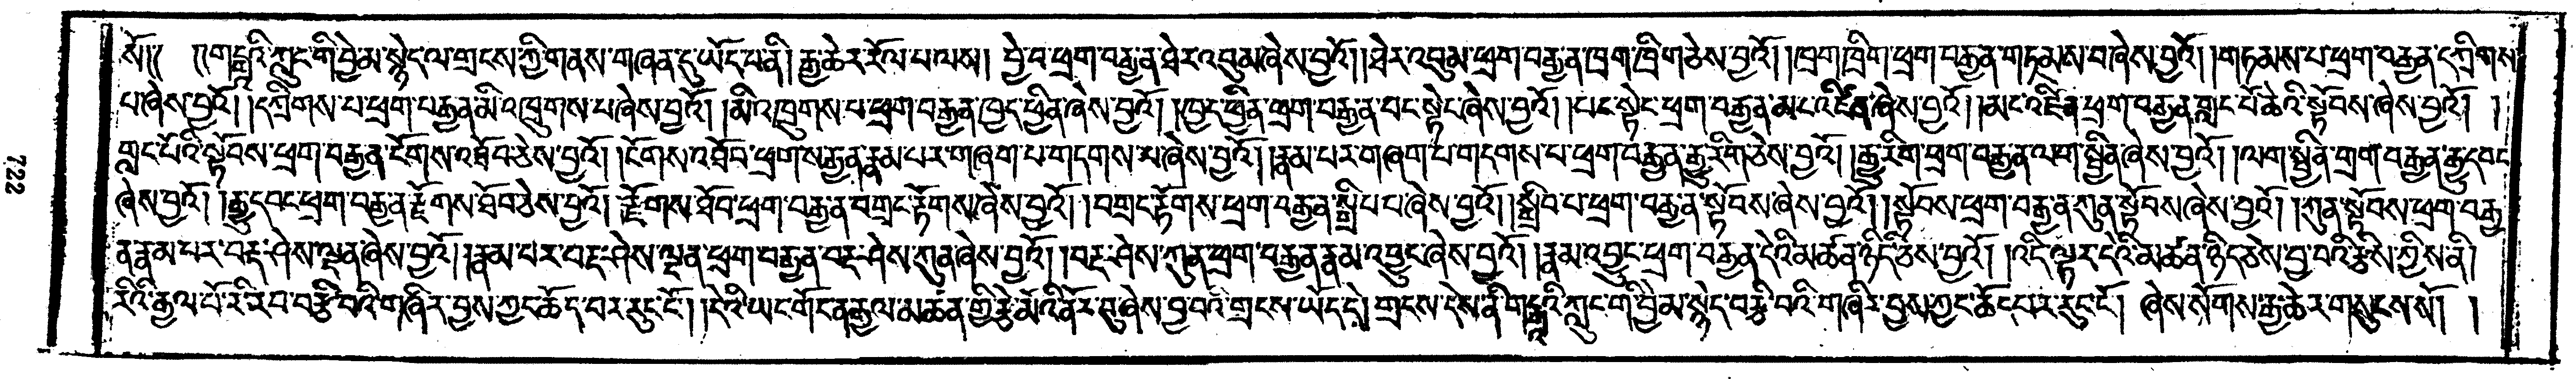སོ༑༑ ༑༑གངྒཱའི་ཀླུང་གི་བྱེ་མ་སྙེད་ལ་གྲངས་ཀྱི་གནས་གཞན་དུ་ཡོད་པ་ནི། རྒྱ་ཆེར་རོལ་པ་ལས། བྱེ་བ་ཕྲག་བརྒྱ་ན་ཐེར་འབུམ་ཞེས་བྱའོ། །ཐེར་འབུམ་ཕྲག་བརྒྱ་ན་ཁྲག་ཁྲིག་ཅེས་བྱའོ། །ཁྲག་ཁྲིག་ཕྲག་བརྒྱན་གཏམས་བཞེས་བྱའོ། །གཏམས་པ་ཕྲག་བརྒྱན་དཀྲིགས་
པ་ཞེས་བྱའོ། །དཀྲིགས་པ་ཕྲག་བརྒྱན་མི་འཁྲུགས་པ་ཞེས་བྱའོ། །མི་འཁྲུགས་པ་ཕྲག་བརྒྱན་ཁྱད་ཕྱིན་ཞེས་བྱའོ། །ཁྱད་ཕྱིན་ཕྲག་བརྒྱན་བང་སྟེང་ཞེས་བྱའོ། །པང་སྟེང་ཕྲག་བརྒྱན་མང་འཛིན་ཞེས་བྱའོ། །མང་འཛིན་ཕྲག་བརྒྱན་གླང་པོ་ཆེའི་སྟོབས་ཞེས་བྱའོ། །
གླང་པོའི་སྟོབས་ཕྲག་བརྒྱན་ངོགས་འཐོབ་ཅེས་བྱའོ། །ངོགས་འཐོབ་ཕྲགས་རྒྱན་རྣམ་པར་གཞག་པ་གདགས་པ་ཞེས་བྱའོ། །རྣམ་པར་གཞག་པ་གདགས་པ་ཕྲག་བརྒྱན་རྒྱུ་རིག་ཅེས་བྱའོ། །རྒྱུ་རིག་ཕྲག་བརྒྱན་ལག་སྦྱིན་ཞེས་བྱའོ། །ལག་སྦྱིན་གྲག་བརྒྱན་རྒྱུ་དབང་
ཞེས་བྱའོ། །རྒྱུ་དབང་ཕྲག་བརྒྱ་ན་རྫོགས་ཐོབ་ཅེས་བྱའོ། །རྫོགས་ཐོབ་ཕྲག་བརྒྱ་ན་བགྲང་རྟོགས་ཞེས་བྱའོ། །བགྲང་རྟོགས་ཕྲག་བརྒྱན་སྒྲིབ་པ་ཞེས་བྱའོ། །སྒྲིབ་པ་ཕྲག་བརྒྱ་ན་སྟོབས་ཞེས་བྱའོ། །སྟོབས་ཕྲག་བརྒྱ་ན་ཀུན་སྟོབས་ཞེས་བྱའོ། །ཀུན་སྟོབས་ཕྲག་བརྒྱ་
ན་རྣམ་པར་བརྡ་ཤེས་ལྡན་ཞེས་བྱའོ། །རྣམ་པར་བརྡ་ཤེས་ལྡན་ཕྲག་བརྒྱན་བརྡ་ཤེས་ཀུན་ཞེས་བྱའོ། །བརྡ་ཤེས་ཀུན་ཕྲག་བརྒྱན་རྣམ་འབྱུང་ཞེས་བྱའོ། །རྣམ་འབྱུང་ཕྲག་བརྒྱན་དེའི་མཚན་ཉིད་ཅེས་བྱའོ། །འདི་ལྟར་དེའི་མཚན་ཉིད་ཅེས་བྱ་བའི་རྩིས་ཀྱིས་ནི།
རིའི་རྒྱལ་པོ་རི་རབ་བརྩི་བའི་གཞིར་བྱས་ཀྱང་ཆོད་བར་རུང་ངོ། །དེའི་ཡང་གོང་ན་རྒྱལ་མཚན་གྱི་རྩེ་མོའི་ནོར་བུ་ཞེས་བྱ་བའི་གྲངས་ཡོད་དེ། གྲངས་དེས་ནི་གངྒཱའི་ཀླུང་གི་བྱེ་མ་སྙེད་བརྩི་བའི་གཞིར་བྱས་ཀྱང་ཆོད་པར་རུང་ངོ། ཞེས་སོགས་རྒྱ་ཆེར་གསུངས་སོ། །